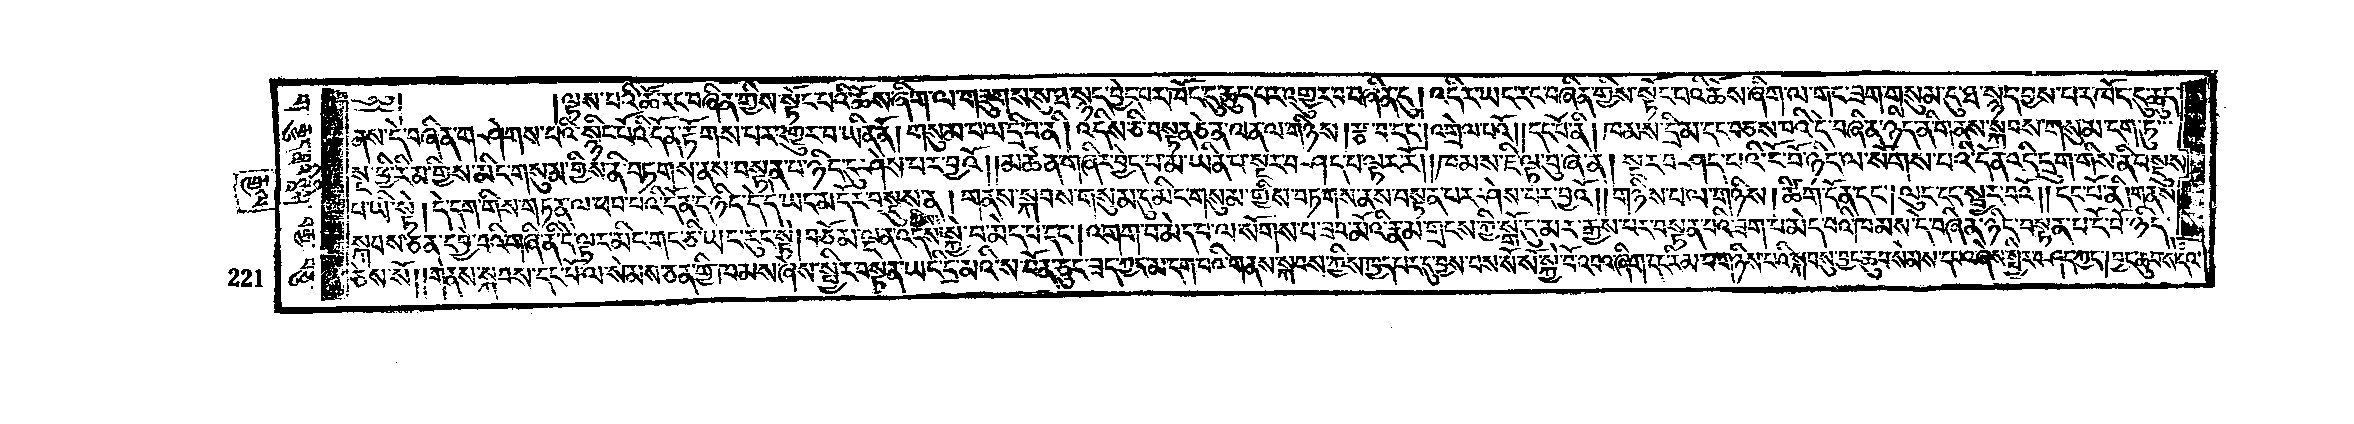༄༅། །ལྟས་པའི་ཚེ་རང་བཞིན་གྱིས་སྟོང་པའི་ཆོས་ཞིག་ལ་གཟུགས་སུ་ཐ་སྙད་བྱེད་པར་ཁོང་དུ་ཆུད་པར་འགྱུར་བ་བཞིན་དུ། འདིར་ཡང་རང་བཞིན་གྱིས་སྟོང་པའི་ཆོས་ཞིག་ལ་གང་ཟག་གསུམ་དུ་ཐ་སྙད་བྱས་པར་ཁོང་དུ་ཆུད་
ནས་དེ་བཞིན་གཤེགས་པའི་སྙིང་པོའི་དོན་རྟོགས་པར་འགྱུར་བ་ཡིན་ནོ། །གསུམ་པ་ལ་དྲི་བ་ནི། འདིས་ཅི་བསྟན་ཅེ་ན་ལན་ལ་གཉིས། རྩ་བ་དང་། འགྲེལ་པའོ། །དང་པོ་ནི། ཁམས་དྲི་མ་དང་བཅས་པའི་དེ་བཞིན་ཉིད་ནི་གནས་སྐབས་གསུམ་དག་ཏུ་
སྔ་ཕྱི་རིམ་གྱིས་མིང་གསུམ་གྱིས་ནི་བཏགས་ནས་བསྟན་པ་ཉིད་དུ་ཤེས་པར་བྱའོ། །མཚན་གཞིར་བྱེད་པ་མ་ཡིན་པ་སྔར་བཤད་པ་ལྟར་རོ། །ཁམས་ཇི་ལྟ་བུ་ཞེ་ན། སྔར་བཤད་པའི་ངོ་བོ་ཉིད་ལ་སོགས་པའི་དོན་འདི་དྲུག་གིས་ནི་བསྡུས་
པ་ཡི་སྟེ། དེ་དག་གིས་གཏན་ལ་ཕབ་པའི་དོན་དེ་ཉིད་དེ་དེ་ཡང་མདོར་བསྡུས་ན། གནས་སྐབས་གསུམ་དུ་མིང་གསུམ་གྱིས་བཏགས་ནས་བསྟན་པར་ཤེས་པར་བྱའོ། །གཉིས་པ་ལ་གཉིས། ཚིག་དོན་དང་། ལུང་དང་སྦྱར་བའོ། །དང་པོ་ནི། གནས་
སྐབས་ཅན་དབྱེ་བའི་གཞི་ནི་དེ་ལྟར་མིང་གང་ཅི་ཡང་རུང་སྟེ། བཅོམ་ལྡན་འདས་ཀྱིས་སྐྱེ་བ་མེད་པ་དང་། འགག་པ་མེད་པ་ལ་སོགས་པ་ཟབ་མོའི་རྣམ་གྲངས་ཀྱི་སྒོ་དུ་མར་རྒྱས་པར་བསྟན་པའི་ཟག་པ་མེད་པའི་ཁམས་དེ་བཞིན་ཉིད་བསྟན་པ་ངོ་བོ་ཉིད་
ཅེས་སོ། །གནས་སྐབས་དང་པོ་ལ་སེམས་ཅན་གྱི་ཁམས་ཞེས་སྤྱིར་བསྟན་ཡང་དྲི་མའི་ས་བོན་ཅུང་ཟད་ཀྱང་མ་དག་པའི་གནས་སྐབས་ཀྱིས་ཁྱད་པར་དུ་བྱས་པས་སོ་སོ་སྐྱེ་བོ་འབའ་ཞིག་དང་རིམ་པ་གཉིས་པའི་སྐབས་སུ་བྱང་ཆུབ་སེམས་དཔའ་ཞེས་སྤྱིར་བཤད་ཀྱང་། བྱང་ཆུབ་སེམས་དཔའི་